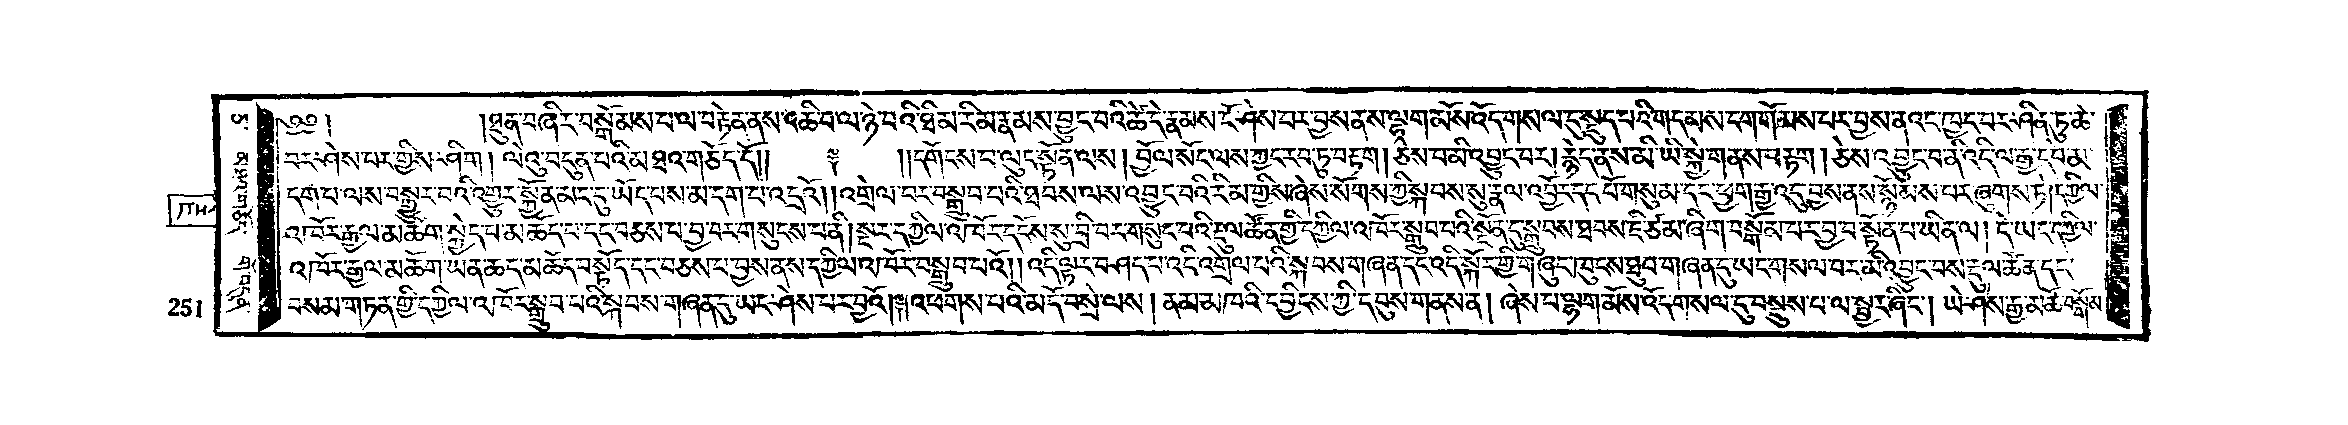༄༅། །ཐུན་བཞིར་བསྒོམས་པ་ལ་བརྟེན་ནས་འཆི་བ་ལ་ཉེ་བའི་ཐིམ་རིམ་རྣམས་བྱུང་བའི་ཚེ་དེ་རྣམས་ངོ་ཤེས་པར་བྱས་ནས་ལྷག་མོས་འོད་གསལ་དུ་སྡུད་པའི་གདམས་ངག་གོམས་པར་བྱས་ནའང་ཁྱད་པར་ཤིན་ཏུ་ཆེ་
བར་ཤེས་པར་གྱིས་ཤིག །ལེའུ་བདུན་པའི་མཐའ་གཅོད་དོ།། ༈ །།དགོངས་པ་ལུང་སྟོན་ལས། བྱོལ་སོང་ལས་ཀྱང་རབ་ཏུ་བརྟག །ཅེས་པ་མི་འབྱུང་བར། རྙེད་ནས་མི་ཡི་སྐྱེ་གནས་བརྟག །ཅེས་འབྱུང་བ་ནི་འདི་ལ་རྒྱ་དཔེ་མ་
དག་པ་ལས་བསྒྱུར་བའི་འགྱུར་སྐྱོན་མང་དུ་ཡོད་པས་མ་དག་པ་འདྲའོ། །འགྲེལ་པར་བསྒྲུབ་པའི་ཐབས་ལས་འབྱུང་བའི་རིམ་གྱིས་ཞེས་སོགས་ཀྱི་སྐབས་སུ་རྣལ་འབྱོར་དང་པོ་གསུམ་དང་ཕྱག་རྒྱ་འདུ་བྱས་ནས་སྙོམས་པར་ཞུགས་ཏེ། དཀྱིལ་
འཁོར་རྒྱལ་མཆོག་སྐྱེད་པ་མཆོད་པ་དང་བཅས་པ་བྱ་བར་གསུངས་པ་ནི། སྔར་དཀྱིལ་འཁོར་དངོས་སུ་བྲི་བར་གསུང་པའི་རྡུལ་ཚོན་གྱི་དཀྱིལ་འཁོར་སྒྲུབ་པའི་སྔོན་དུ་སྒྲུབས་ཐབས་ཇི་ཙམ་ཞིག་བསྒོམ་པར་བྱ་བ་སྟོན་པ་ཡིན་ལ། དེ་ཡང་དཀྱིལ་
འཁོར་རྒྱལ་མཆོག་ཡན་ཆད་མཆོད་བསྟོད་དང་བཅས་པ་བྱས་ནས་དཀྱིལ་འཁོར་བསྒྲུབ་པའོ། །འདི་ལྟར་བཤད་པ་འདི་འགྲེལ་པའི་སྐབས་གཞན་དང་འདི་སྐོར་གྱི་གཞུང་ཁུངས་ཐུབ་གཞན་དུ་ཡང་གསལ་བར་མི་འབྱུང་བས་རྡུལ་ཚོན་དང་
བསམ་གཏན་གྱི་དཀྱིལ་འཁོར་སྒྲུབ་པའི་སྐབས་གཞན་དུ་ཡང་ཤེས་པར་བྱའོ། ༈ །འཕགས་པའི་མདོ་བསྲེ་ལས། ནམ་མཁའི་དབྱིངས་ཀྱི་དབུས་གནས་ན། ཞེས་པ་ལྷག་མོས་འོད་གསལ་དུ་བསྡུས་པ་ལ་སྦྱར་ཞིང་། ཡེ་ཤེས་རྒྱ་མཚོ་བསྒོམ་